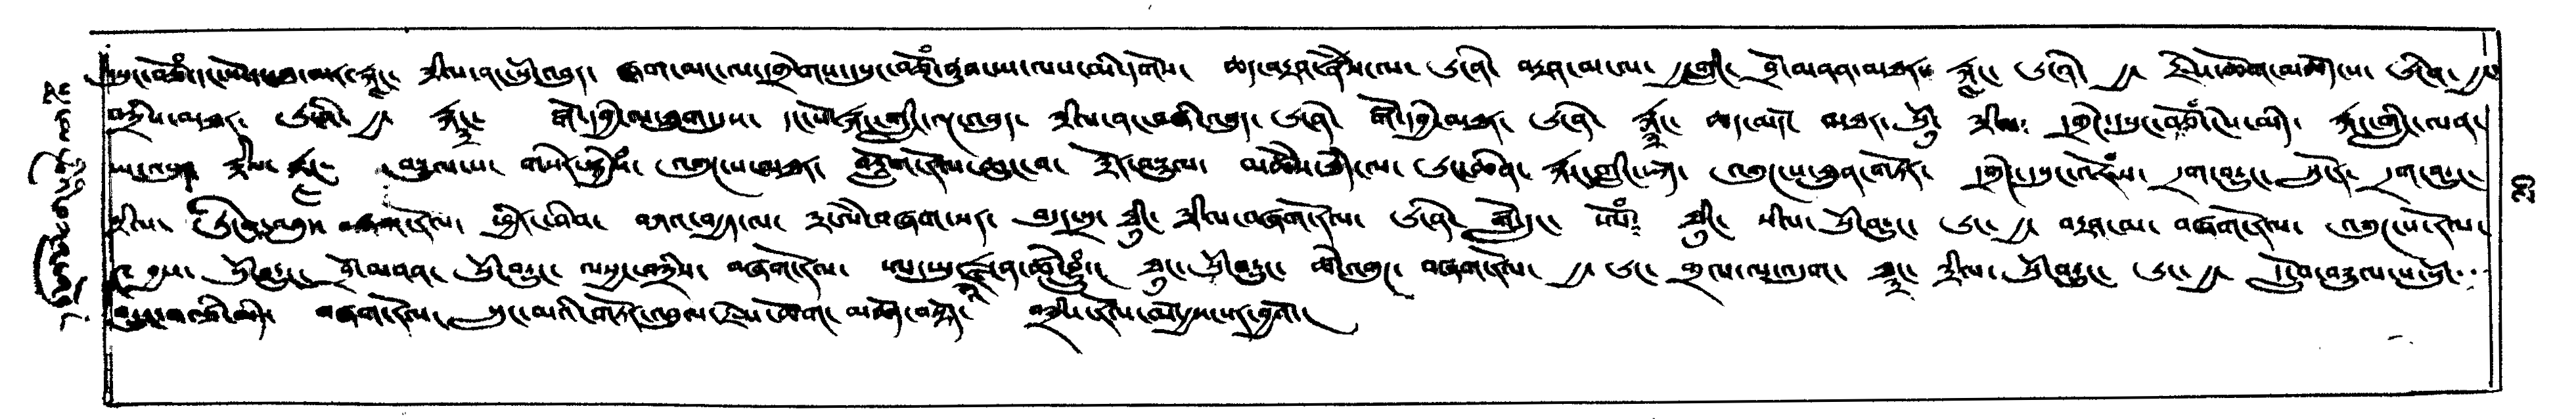དཔུང་བཅོམ་དང་པོ་དང་ཐ་མར་རྐང་བཞི། ཟིལ་ནང་སུམ་འབུད། ཞག་མང་ལ་བགེགས་དཔུང་བཅོམ་ནུབ་ཡ་ལས་མི་དགོས། ཆད་བརྟན་རྣམས་ལ་དུང་ཆེན། བརྟན་མ་ལ། རྒྱ་གླིང་། བྲོ་མནན་མཐར་རྐང་བཞི། དུང་ཆེན། རྒྱ། རྗེས་ཆོག་མཆོད་པ། དུང་ཆེན། རྒྱ། 
བཀྲ་ཤིས་མཐར་དུང་ཆེན། རྒྱ། རྐང་གསུམ། སྒོ་དབྱེ་ལ་ཐུག་དུས། དང་པོ་རྐང་གླིང་ལྔ་འབུད། ཟིལ་ནང་བཞི་འབུད། དུང་ཆེན། སྒོ་དབྱེའི་མཐར། དུང་ཆེན། རྐང་གསུམ། ཆད་མདོའི་མཐར་སུམ་གཅིག ཟིལ། དགྲ་བགེགས་དཔུང་བཅོམ་ངེས་མེད། རྐང་གླིང་ལན་
མང་འབུད། ཟིལ། རྐང་བཞི། བསྐུལ་པ། གསེར་་སྐྱེམས། འགུགས་པ་བཅས་ཀྱི་མཐར་བཟློག་རོལ་ཆུང་བ། ཟོར་བསྐུལ་ཀྱི་མཚམས་ཐམས་ཅད་ལ་དུང་ཆེན་དང་རྐང་གླིང་ཡོད། འགུགས་པ་དང་ཐུན་གཏོར་ལ་དགྲ་གེགས་དཔུང་འཛོམས་དྲག་བརྡུང་། སྲུང་འཁོར་ལ་དྲག་བརྡུང་། 
ཟིལ་ནང་དུང་ཆེན་འབུད། བཞག་རོལ། ཕྱིར་ཕེབ་ནས་བཀའ་བརྒྱད་ལ། ཟ་ལམ་བཞག་སར། བདུད་པྲ། ཐིང་གཅིག་ཟིལ་བཞག་རོལ། དུང་ཆེན། སྒོ་དྲུང་། ཨོཾ༴ ཐིང་གཅིག་སིལ་སུམ་བརྡུང་། དུང་། རྒྱ། བརྟན་མ། བཞག་རོལ། འགུགས་རོལ། 
དགུ་བྱས་སུམ་བརྡུང་། བྲོ་མནན། སུམ་བརྡུང་། ལས་བྱང་གི་བཀྲ་ཤིས། བཞག་རོལ། ཨ་ཡུར་ཛྙཱ་ན་ཚེ་བྷྲུཾ། ཐང་གཅིག་སུམ་བརྡུང་། ཚེ་འགུགས། བཞག་རོལ། རྒྱ། དུང་། གྲལ་ལ་འདུག ཐང་གསུམ་ཟིལ། སུམ་བརྡུང་། དུང་རྒྱ། དངོས་གྲུབ་བསྐུལ་པ་ལ་སུམ་
བརྡུང་རྩེ་མེད། བཞག་རོལ། སྲུང་མའི་གཏོར་འབུལ། རྗེས་ཆོག་མཆོད་བསྟོད། བཀྲ་ཤིས་རོལ་མོ་རྒྱས་པར་བྱའོ།